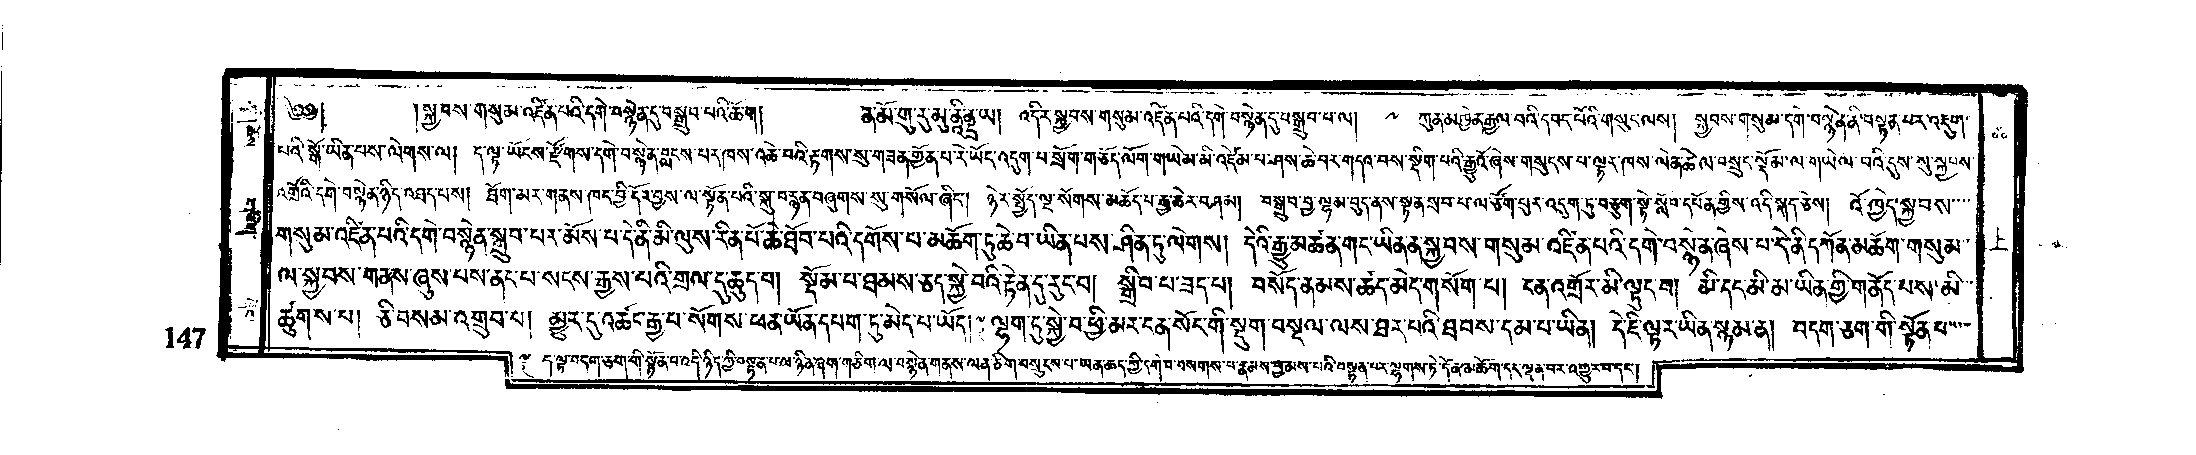༄༅། །སྐྱབས་གསུམ་འཛིན་པའི་དགེ་བསྙེན་དུ་བསྒྲུབ་པའི་ཆོ་ག།  ན་མོ་གུ་རུ་མུ་ནཱི་ནྡྲ་ཡ། འདིར་སྐྱབས་གསུམ་འཛིན་པའི་དགེ་བསྙེན་དུ་བསྒྲུབ་པ་ལ། ༧་ཀུན་མཁྱེན་རྒྱལ་བའི་དབང་པོའི་གསུང་ལས། སྐྱབས་གསུམ་དགེ་བསྙེན་ནི་བསྟན་པར་འཇུག་
པའི་སྒོ་ཡིན་པས་ལེགས་ལ། ད་ལྟ་ཡོངས་རྫོགས་དགེ་བསྙེན་བླངས་པར་ཁས་འཆེ་བའི་རྟགས་སུ་གཟན་གྱོན་པ་རེ་ཡོང་འདུག་པ་སྲོག་གཅོད་ལོག་གཡེམ་མི་འཛེམ་པ་ཤས་ཆེ་བར་གདའ་བས་སྡིག་པའི་རྒྱུའོ་ཞེས་གསུངས་པ་ལྟར་ཁས་ལེན་ཆེ་ལ་བསྲུང་སྡོམ་ལ་གཡེལ་བའི་དུས་སུ་སྐྱབས་
འགྲོའི་དགེ་བསྙེན་ཉིད་འཐད་པས། ཐོག་མར་གནས་ཁང་བྱི་དོར་བྱས་ལ་སྟོན་པའི་སྐུ་བརྙན་བཞུགས་སུ་གསོལ་ཞིང་། ཉེར་སྤྱོད་ལྔ་སོགས་མཆོད་པ་རྒྱ་ཆེར་བཤམ། བསྒྲུབ་བྱ་ལྷམ་བུད་ནས་སྟན་སྲབ་པ་ལ་ཙོག་པུར་འདུག་ཏུ་བཅུག་སྟེ་སློབ་དཔོན་གྱིས་འདི་སྐད་ཅེས། འོ་ཁྱེད་སྐྱབས་
གསུམ་འཛིན་པའི་དགེ་བསྙེན་སྒྲུབ་པར་མོས་པ་དེ་ནི་མི་ལུས་རིན་པོ་ཆེ་ཐོབ་པའི་དགོས་པ་མཆོག་ཏུ་ཆེ་བ་ཡིན་པས་ཤིན་ཏུ་ལེགས། དེའི་རྒྱུ་མཚན་གང་ཡིན་ན་སྐྱབས་གསུམ་འཛིན་པའི་དགེ་བསྙེན་ཞེས་པ་དེ་ནི་དཀོན་མཆོག་གསུམ་
ལ་སྐྱབས་གནས་ཞུས་པས་ནང་པ་སངས་རྒྱས་པའི་གྲལ་དུ་ཆུད་པ། སྡོམ་པ་ཐམས་ཅད་སྐྱེ་བའི་རྟེན་དུ་རུང་བ། སྒྲིབ་པ་ཟད་པ། བསོད་ནམས་ཚད་མེད་གསོག་པ། ངན་འགྲོར་མི་ལྟུང་བ། མི་དང་མི་མ་ཡིན་གྱི་གནོད་པས་མི་
ཚུགས་པ། ཅི་བསམ་འགྲུབ་པ། མྱུར་དུ་འཚང་རྒྱ་པ་སོགས་ཕན་ཡོན་དཔག་ཏུ་མེད་པ་ཡོད། ད་ལྟ་བདག་ཅག་གི་སྟོན་པ་འདི་ཉིད་ཀྱི་བསྟན་པ་ལ་ཉིན་ཞག་གཅིག་ལ་བསྙེན་གནས་ལན་ཅིག་བསྲུངས་པ་ཡན་ཆད་ཀྱི་དགེ་བ་བསགས་པ་རྣམས་བྱམས་པའི་བསྟན་པར་ལྷགས་ཏེ་དོན་མཆོག་དང་ལྡན་པར་འགྱུར་པ་དང་།  ལྷག་ཏུ་སྐྱེ་བ་ཕྱི་མར་ངན་སོང་གི་སྡུག་བསྔལ་ལས་ཐར་པའི་ཐབས་དམ་པ་ཡིན། དེ་ཇི་ལྟར་ཡིན་སྙམ་ན། བདག་ཅག་གི་སྟོན་པ་